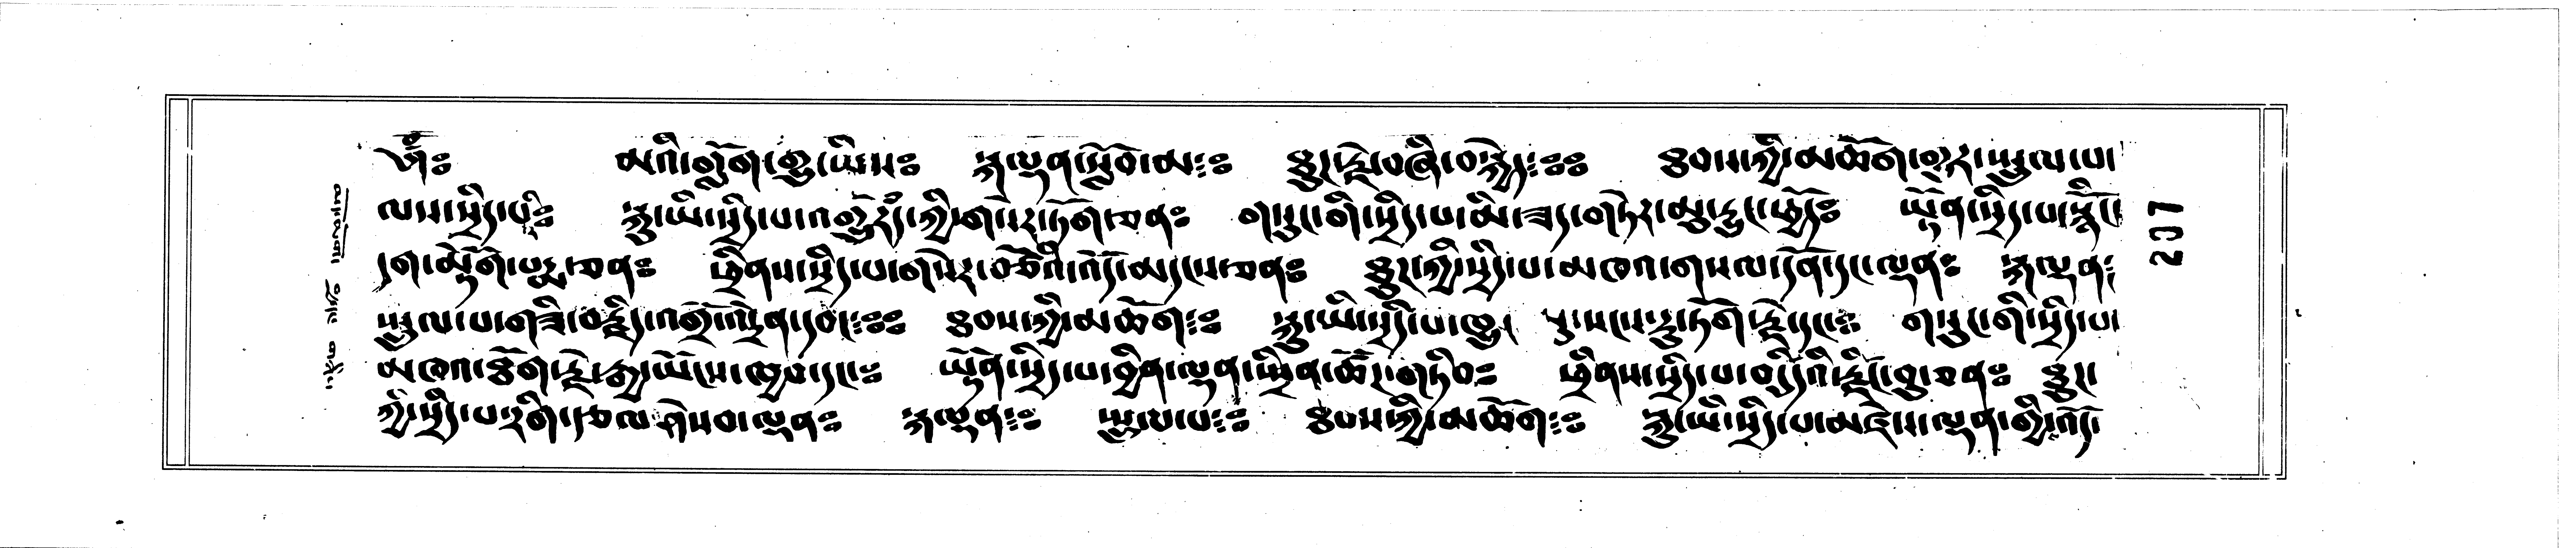མའི་གློག་འགྱུ་ཡིསཿ སྐལ་ལྡན་སློབ་མ་རྣམས་ལ་དབང་བསྐུར་བསཿ ཐུགས་རྗེ་གཟི་བརྗིད་འགྲོ་འདྲེན་དབང་ཐོབ་ཤོགཿ ཐབས་ཀྱི་མཆོག་གྱུར་སྤྲུལ་པ་
ལས་སྲིད་པའིཿ སྐུ་ཡི་སྲིད་པ་འགྱུར་མེད་གསེར་ཏོག་ཅནཿ གསུང་གི་སྲིད་པ་མི་བཟད་གཏེར་མུ་རྒྱུང་ཕྱོདཿ ཡོན་ཏན་གྱི་སྲིད་པ་སྙིང་པོ་
དག་མེ་ཏོག་པད་མཿ ཕྲིན་ལས་ཀྱི་སྲིད་པ་གསེར་བཙོའི་འོད་མདངས་ཅནཿ ཐུགས་ཀྱི་སྲིད་པ་མཁའ་གསལ་དོན་དང་ལྡནཿ སྐལ་ལྡན་
སློབ་མ་རྣམས་ལ་དབང་བསྐུར་བསཿ སྤྲུལ་པ་གཟི་བརྗིད་འགྲོ་འདྲེན་དབང་ཐོབ་ཤོགཿ ཐབས་ཀྱི་མཆོག་གྱུར་སྤྲུལ་པ་ལས་སྲིད་པའིཿ སྐུ་ཡི་སྲིད་པ་ཁྱུང་མུ་སངས་རུ་ཐོག་རྗེ་དངཿ གསུང་གི་སྲིད་པ་
མཁའ་ཐོག་རྗེ་རྒྱ་ཡོངས་ཁྱབ་དངཿ ཡོན་ཏན་སྲིད་པ་བྱིན་ལྡན་སྤྲིན་ཚོགས་གཏིབསཿ ཕྲིན་ལས་སྲིད་པ་བདུད་རྩིའི་རྫིང་བུ་ཅནཿ ཐུགས་
ཀྱི་སྲིད་པ་རིག་རྩལ་ཤེས་རབ་ལྡནཿ སྐལ་ལྡན་སློབ་མ་རྣམས་ལ་དབང་བསྐུར་བསཿ སྤྲུལ་པ་གཟི་བརྗིད་འགྲོ་འདྲེན་དབང་ཐོབ་ཤོགཿ ཐབས་ཀྱི་མཆོག་གྱུར་སྤྲུལ་པ་ལས་སྲིད་པའིཿ སྐུ་ཡི་སྲིད་པ་མཛེས་ལྡན་གྱི་འོད་